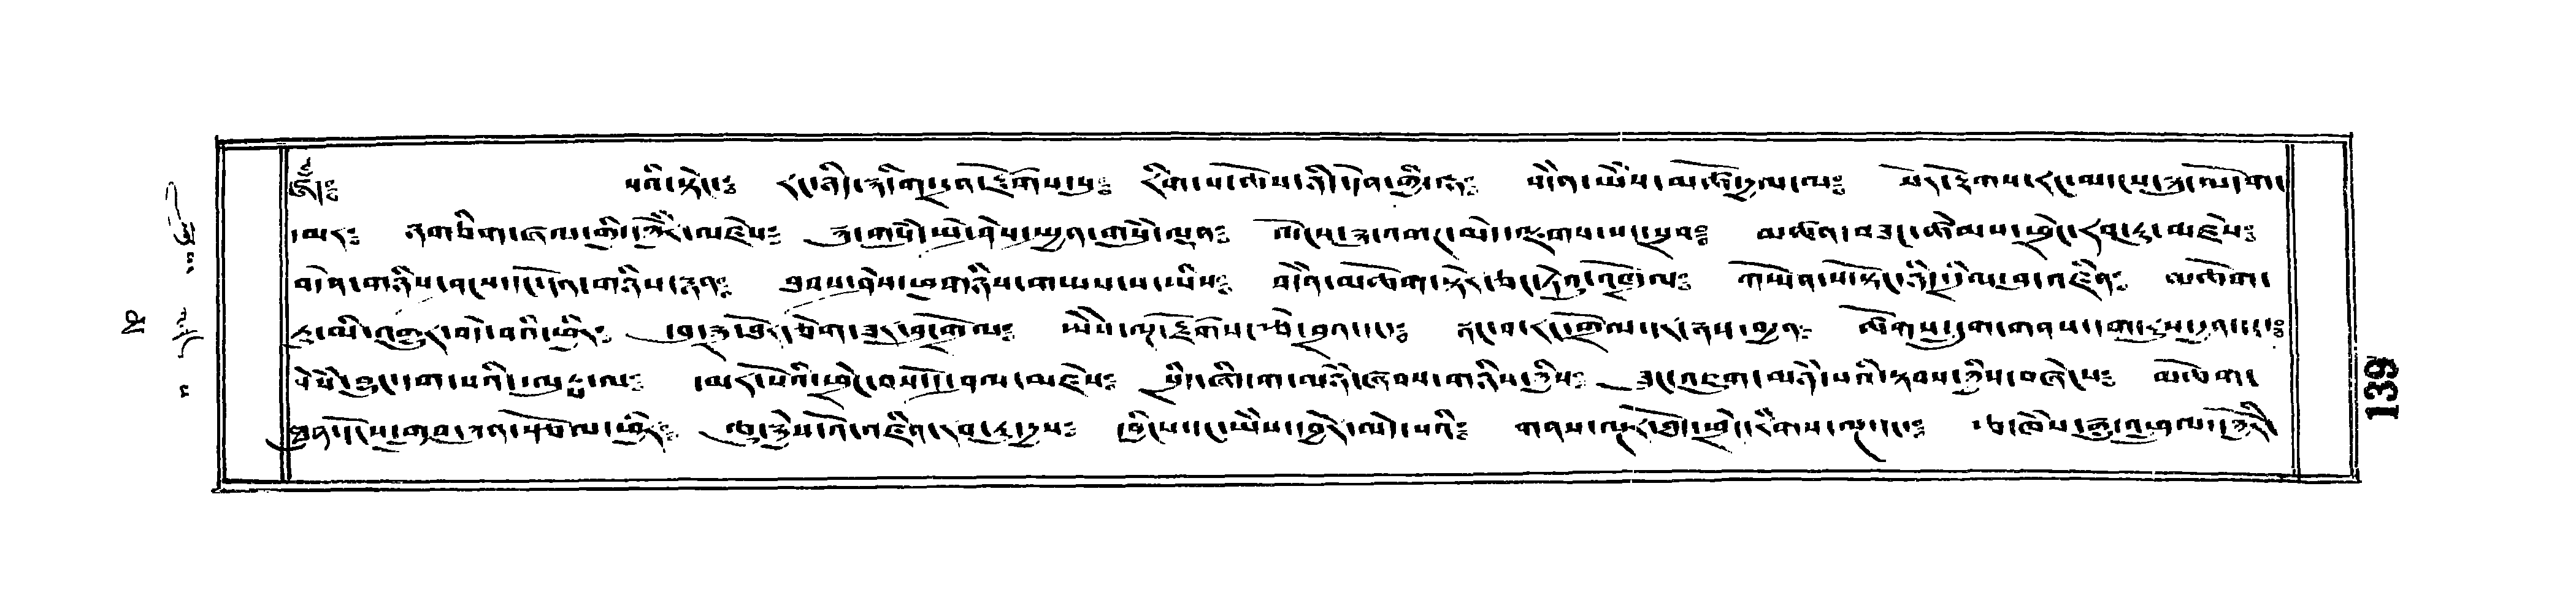པའི་སྟེང༔ རང་ཉིད་སྐད་ཅིག་དྲན་རྫོགས་སུ༔ རིག་པ་ཆོས་ཉིད་དོན་གྱི་ལྷ༔ བདེ་ཆེན་ཡེ་ཤེས་མཚོ་རྒྱལ་ལ༔ སོར་རྟོགས་རང་མདངས་སྐུ་མདོག་
དམར༔ ཉག་གཅིག་ཞལ་གྱི་དཀྱིལ་འཁོར་མཛེས༔ སྐུ་གསུམ་ཡེ་ཤེས་སྤྱན་གསུམ་ལྡན༔ ལོངས་སྐུ་འགགས་མེད་ལྗགས་པད་སྲབ༔ མཚན་བཟང་ཚེམས་ཕྲེང་རབ་ཏུ་མཛེས༔ 
བདེན་གཉིས་ཤངས་དང་དོན་གཉིས་སྙན༔ ཐབས་ཤེས་ཕྱག་གཉིས་གཡས་པ་ཡིས༔ བདེ་ཆེན་མཆོག་སྟེར་ཅག་ཏེའུ་འཁྲོལ༔ གཡོན་པ་སྟོང་ཉིད་དྲིལ་བུ་འཛིན༔ མཆོག་
ཏུ་མི་འགྱུར་བདེ་བའི་ཕྱིར༔ དབུ་སྐྲ་ཐོར་ཅོག་ཟར་བུ་གྲོལ༔ཡེ་ཤེས་ལྔ་རྫོགས་རྩེ་བྲན་དང༔ སྣང་བ་རང་གྲོལ་དར་སྣས་བརྒྱན༔ ཚོགས་དྲུག་གནས་དག་རུས་རྒྱན་དང༔ 
སེམས་བྱུང་དག་པའི་ཨུཏྤ་ལ༔ དམར་པོའི་ཕྲེང་བས་དོ་ཤལ་མཛེས༔ སྲིད་ཞི་དག་མཉམ་ཞབས་གཉིས་ཀྱིས༔ ཟུང་འཇུག་མཉམ་པའི་སྟབས་ཀྱིས་བཞེངས༔ མཆོག་
ཐུན་དངོས་གྲུབ་ཀུན་སྩོལ་ཕྱིར༔ ཆུ་སྐྱེས་འོ་འཛིན་རབ་ཏུ་རྒྱས༔ དབྱིངས་དང་ཡེ་ཤེས་དབྱེར་མེད་པའི༔ གནས་ལྔར་ཐོད་ཕྲེང་རིགས་ལྔ་དང༔ རྩ་ཁམས་སྒྱུ་འཕྲུལ་དཀྱིལ་འཁོར་